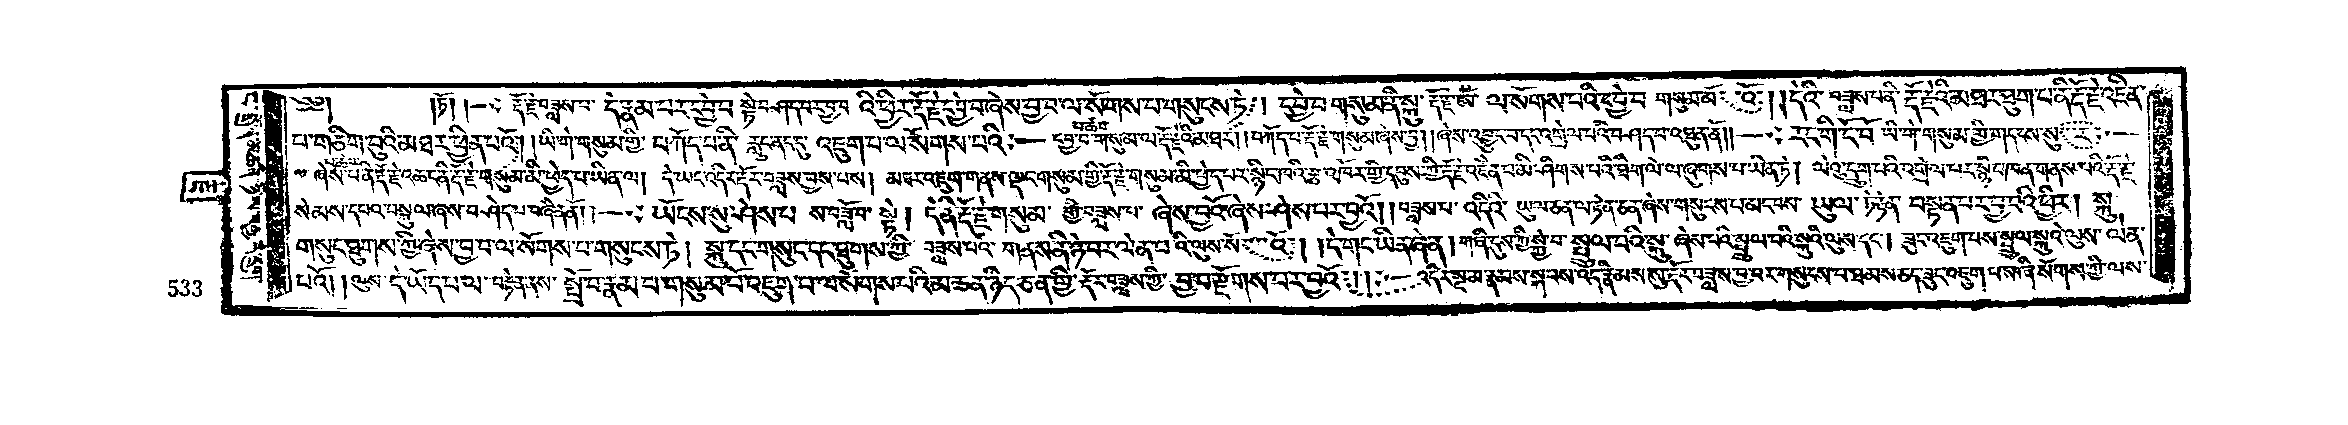༄༅། །ཏོ། །.H རྡོ་རྗེ་བཟླས་པ་དེ་རྣམ་པར་དབྱེ་བ་སྟེ་བཤད་པར་བྱ་བའི་ཕྱིར་རྡོ་རྗེ་དབྱེ་བ་ཞེས་བྱ་བ་ལ་སོགས་པ་གསུངས་ཏེ། དབྱེ་བ་གསུམ་ནི་སྐུ་རྡོ་རྗེ་ཨོཾ་ལ་སོགས་པའི་དབྱེ་བ་གསུམ་མོ་འོ། །དེའི་བཟླས་པ་ནི་རྡོ་རྗེའི་མཐར་ཐུག་པ་ནི་རྡོ་རྗེ་འཛིན་
པ་གཅིག་བུའི་མཐར་ཕྱིན་པའོ། །ཡི་གེ་གསུམ་གྱི་བཀོད་པ་ནི་རླུང་ནང་དུ་འཇུག་པ་ལ་སོགས་པའིཿ་དབྱེ་བ་པ་ཚབ་གསུམ་ལ་རྡོ་རྗེའི་མཐར། །བཀོད་པ་རྡོ་རྗེ་གསུམ་ཞེས་བྱ། །ཞེས་འབྱུང་བ་དང་འགྲེལ་པའི་བཤད་པ་འཐུན་ནོ།།  .Hརང་གི་ངོ་བོ་ཡི་གེ་གསུམ་གྱི་གདངས་སུ་རཿ
༧་ཞེས་པ་ཚབ་པ་ནི་རྡོ་རྗེ་འཆང་ནི་རྡོ་རྗེ་གསུམ་མི་ཕྱེད་པ་ཡིན་ལ། དེ་ཡང་འདིར་རྡོར་བཟླས་བྱས་པས། མཐར་འཇུག་གནས་ལྡང་གསུམ་གྱི་རྡོ་རྗེ་གསུམ་མི་ཕྱེད་པར་སྙིང་ཁའི་རྩ་འཁོར་གྱི་དབུས་ཀྱི་རྡོ་རྗེ་འཛིན་པ་མི་ཤིགས་པའི་ཐིག་ལེ་ལ་ཞུགས་པ་ཡིན་ཏེ། ལེའུ་དྲུག་པའི་འགྲེལ་པར་སྙིང་ཁ་ན་གནས་པའི་རྡོ་རྗེ་
སེམས་དཔའ་བསྐུལ་ཞས་བཤེད་པ་བཞིན་ནོ།། .Hཡོངས་སུ་ཤེས་པས་བཟློ་བ་སྟེ། དེ་ནི་རྡོ་རྗེ་གསུམ་གྱི་བཟླས་པ་ཞེས་བྱའོ་ཞེས་ཤེས་པར་བྱའོ། །བཟླས་པ་འདིའི་ཡུལ་ཅན་ལ་རྟེན་ཅན་ཞེས་གསུངས་པ་མང་བས་ཡུལ་ཏེ་རྟེན་བསྟན་པར་བྱ་བའི་ཕྱིར་སྐུ་
གསུང་ཐུགས་ཀྱི་ཞེས་བྱ་བ་ལ་སོགས་པ་གསུངས་ཏེ། སྐུ་དང་གསུང་དང་ཐུགས་ཀྱི་བཟླས་པའི་གནས་ནི་ཉེ་བར་ལེན་པའི་ལུས་སོ་འོ། །དེ་གང་ཡིན་ཞེ་ན། གཞི་དུས་ཀྱི་སྐྱེ་བ་སྤྲུལ་པའི་སྐུ་ཞེས་པའི་སྤྲུལ་པའི་སྐུའི་ལུས་དང་། ཟུང་འཇུག་པས་སྤྲུལ་སྐུའི་ལུས་ལེན་
པའོ། །ལུས་དེ་ཡོད་པ་ལ་བརྟེན་ནས་སྤྲོ་བ་རྣམ་པ་གསུམ་པོ་འཇུག་པ་ལ་སོགས་པའི་མཚན་ཉིད་ཅན་གྱི་རྡོར་བཟླས་ཀྱི་བྱ་བ་རྫོགས་པར་བྱའོ།།H.་འདིར་སྔ་མ་རྣམས་སྐབས་འདི་རྣམས་སུ་རྡོར་བཟླས་བྱ་བར་གསུངས་པ་ཐམས་ཅད་དུ་ཟུང་འཇུག་པས་ཞེ་སོགས་ཀྱི་ལས་